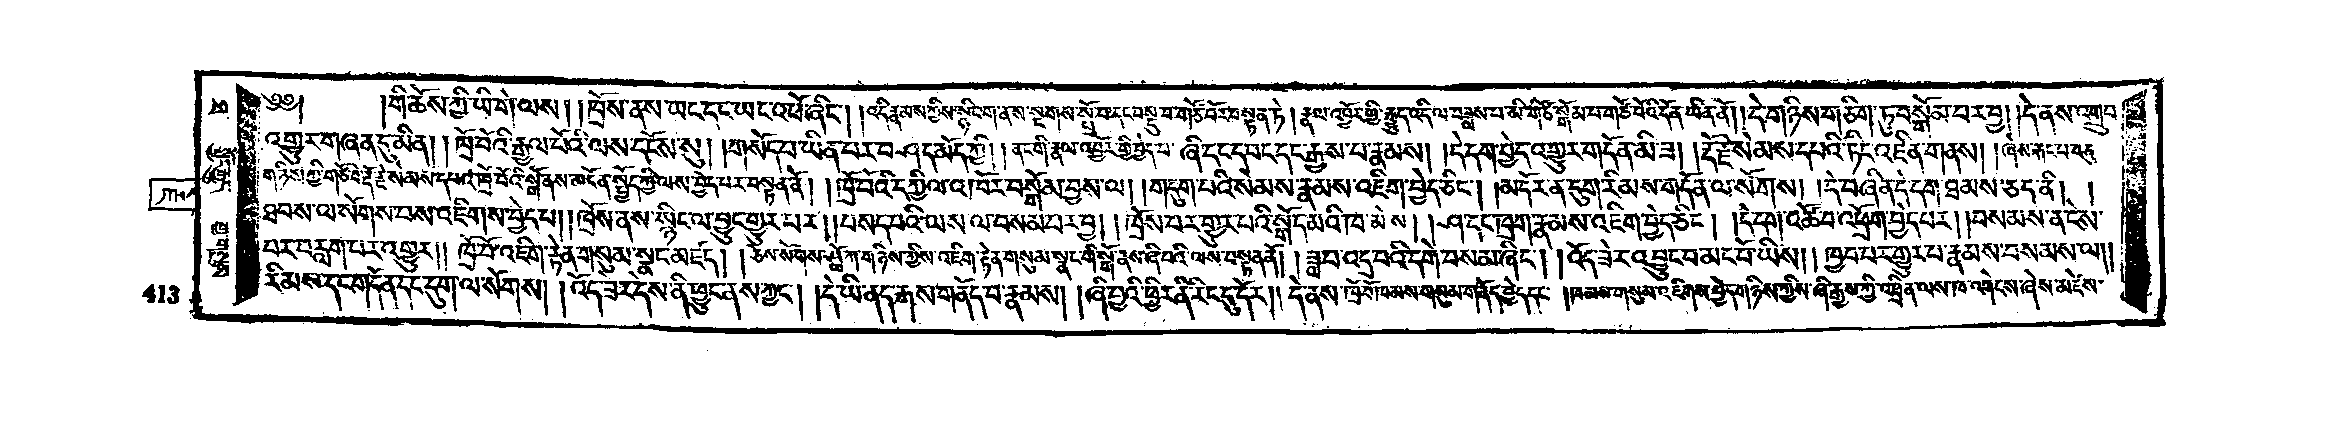༄༅། །གི་ཆོས་ཀྱི་ཡི་གེ་ལས། ཁྲོས་ནས་ཡང་དང་ཡང་འཕོ་ཞིང་། །འདི་རྣམས་ཀྱིས་ཉིང་ག་ནས་སྔགས་སྤྲོ་བ་དང་བསྡུ་བ་གཙོ་བོར་བསྟན་ཏེ། རྣལ་འབྱོར་གྱི་རྒྱུད་འདི་ལ་བཟླས་པ་མི་གཙོ་སྒོམ་པ་གཙོ་བོའི་དོན་ཡིན་ནོ།  །གཉིས་གཅིག་ཏུ་བསྒོམ་པར་བྱ། །དེ་ནས་འགྲུབ་
འགྱུར་གཞན་དུ་མིན། །ཁྲོ་བོའི་རྒྱལ་པོའི་ལས་དངོས་སུ། །གསོད་པ་ཡིན་པར་བཤད་མོད་ཀྱི། ། ནང་གི་རྣལ་འབྱོར་གྱི་བྱེད་པ་ཞི་དང་དབང་དང་རྒྱས་པ་རྣམས། །དེ་དག་བྱེད་འགྱུར་གདོན་མི་ཟ། །རྡོ་རྗེ་སེམས་དཔའི་ཏིང་འཛིན་གནས། །ཞེས་རྐང་པ་བཅུ་
གཉིས་ཀྱི་གཙོ་བོ་རྡོ་རྗེ་སེམས་དཔའ་ཁྲོ་བོའི་སྒོ་ནས་མངོན་སྤྱོད་ཀྱི་ལས་བྱེད་པར་བསྟན་ནོ། །ཁྲོ་བོའི་དཀྱིལ་འཁོར་བསྒོམ་བྱས་ལ། །གདུག་པའི་སེམས་རྣམས་འཇིག་བྱེད་ཅིང་། །མདོར་ན་དུག་རིམས་གདོན་ལ་སོགས། །དེ་བཞིན་དེ་དག་ཐམས་ཅད་ནི། །
ཐབས་ལ་སོགས་པས་འཇིགས་བྱེད་པ། །ཁྲོས་ནས་སྙིང་ལ་བྱུང་གྱུར་པར། །བསད་པའི་ལས་ལ་བསམ་བར་བྱ། །ཁྲོས་པར་གྱུར་པའི་སྒོད་མའི་ཁ་མེས། །ཤ་དང་ཁྲག་རྣམས་འཇིག་བྱེད་ཅིང་། །དེ་དག་འཚོ་བ་འཕྲོག་བྱེད་པར། །བསམས་ན་ངེས་པར་བརླག་པར་འགྱུར། །ཁྲོ་བོ་འཇིག་རྟེན་གསུམ་སྣང་མཛད། །ཅེས་སོགས་ཤོལ་ཀ་གཉིས་ཀྱིས་འཇིག་རྟེན་གསུམ་སྣང་གི་སྒོ་ནས་ཞི་བའི་ལས་བསྟན་ནོ། །ཟླ་བ་འདྲ་བའི་དགེ་བསམ་ཞིང་། །འོད་ཟེར་འབྱུང་བ་མང་པོ་ཡིས། །ཁྱབ་པར་གྱུར་པ་རྣམས་བསམས་ལ། །
རིམས་དང་གདོན་དང་དུག་ལ་སོགས། །འོད་ཟེར་དེས་ནི་ཕྱུང་ནས་ཀྱང་། །དེ་ཡི་ནད་རྒས་གནོད་པ་རྣམས། །ཞི་བྱའི་ཕྱིར་ནི་རིང་དུ་དོར། །དེ་ནས་ཁྲོ་བོ་ཁམས་གསུམ་གནོད་བྱེད་དང་། ཁམས་གསུམ་འཇིགས་བྱེད་གཉིས་ཀྱིས་ཞི་རྒྱས་ཀྱི་འཕྲིན་ལས་ཁ་འགེངས་ཞེས་མཛེས་